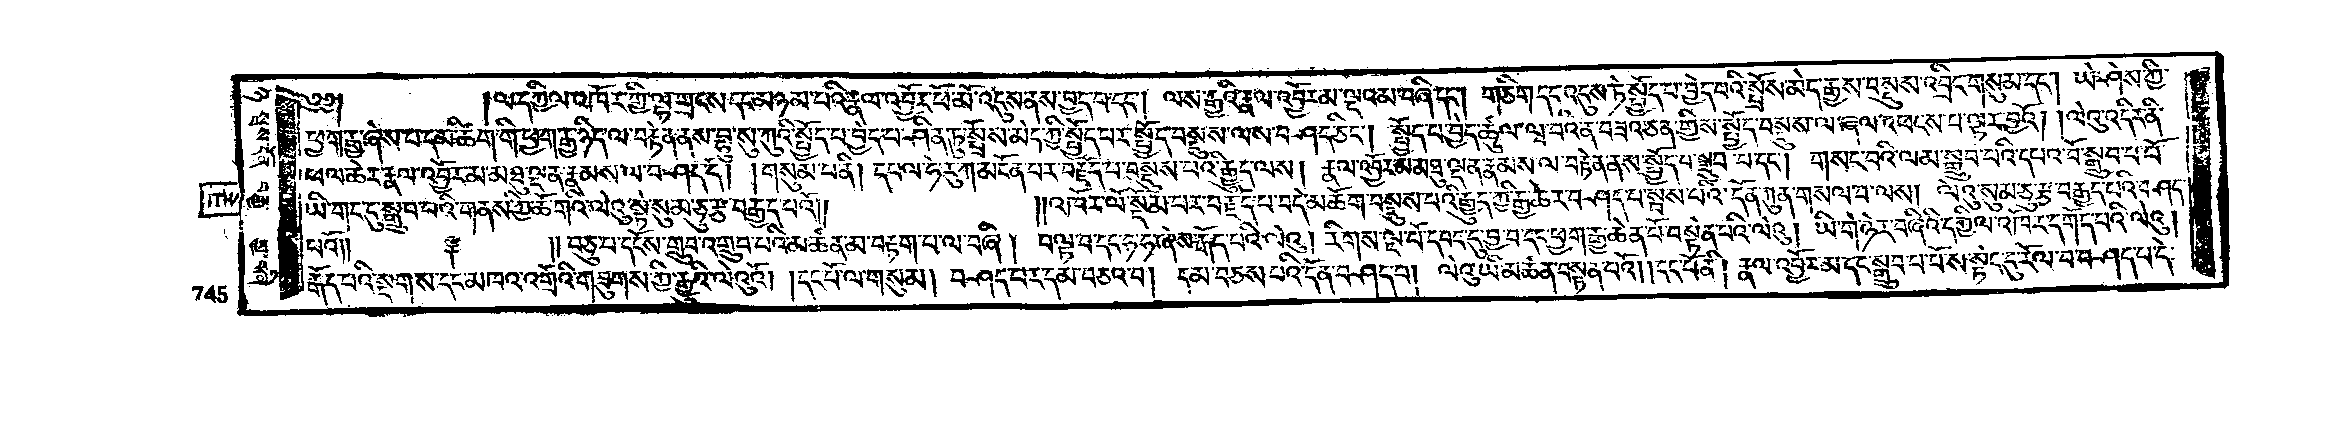༄༅། །ལ་དཀྱིལ་འཁོར་གྱི་ལྷ་གྲངས་དང་མཉམ་པའི་རྣལ་འབྱོར་ཕོ་མོ་འདུས་ནས་བྱེད་པ་དང་། ལས་རྒྱའི་རྣལ་འབྱོར་མ་ལྔའམ་བཞི་དང་། གཅིག་དང་འདུས་ཏེ་སྤྱོད་པ་བྱེད་པའི་སྤྲོས་མེད་རྒྱས་བསྡུས་འབྲིང་གསུམ་དང་། ཡེ་ཤེས་ཀྱི་
ཕྱག་རྒྱ་ཞེས་པ་དམ་ཚིག་གི་ཕྱག་རྒྱ་ཉིད་ལ་བརྟེན་ནས་བྷུ་སུ་ཀུའི་སྤྱོད་པ་བྱེད་པ་ཤིན་ཏུ་སྤྲོས་མེད་ཀྱི་སྤྱོད་པར་སྤྱོད་བསྡུས་ལས་བཤད་ཅིང་། སྤྱོད་པ་བྱེད་ཚུལ་ལྭ་བའི་ན་བཟའ་ཅན་གྱིས་སྤྱོད་བསྡུས་ལ་ཞལ་འཕངས་པ་ལྟར་བྱའོ། །ལེའུ་འདིར་ནི་
ཕལ་ཆེར་རྣལ་འབྱོར་མ་མཐུ་ལྡན་རྣམས་ལ་བཤད་དོ། །གསུམ་པ་ནི། དཔལ་ཧེ་རུ་ཀ་མངོན་པར་བརྗོད་པ་བསྡུས་པའི་རྒྱུད་ལས། རྣལ་འབྱོར་མ་མཐུ་ལྡན་རྣམས་ལ་བརྟེན་ནས་སྤྱོད་པ་སྒྲུབ་པ་དང་། གསང་བའི་ལམ་སྒྲུབ་པའི་དཔའ་བོ་སྒྲུབ་པ་པོ་
ཡི་གང་དུ་སྒྲུབ་པའི་གནས་ཀྱི་ཆོ་གའི་ལེའུ་སྟེ་སུམ་ཅུ་རྩ་བརྒྱད་པའོ།། །།འཁོར་ལོ་སྡོམ་པར་བརྗོད་པ་བདེ་མཆོག་བསྡུས་པའི་རྒྱུད་ཀྱི་རྒྱ་ཆེར་བཤད་པ་སྦས་པའི་དོན་ཀུན་གསལ་བ་ལས། ལེའུ་སུམ་ཅུ་རྩ་བརྒྱད་པའི་བཤད་
པའོ།། ༈ །།བཅུ་པ་དངོས་གྲུབ་འགྲུབ་པའི་མཚན་མ་བརྟག་པ་ལ་བཞི། བལྟ་བ་དང་ཧ་ཧ་ཞེས་རྒོད་པའི་ལེའུ། རིགས་ལྔ་པོ་དབང་དུ་བྱ་བ་དང་ཕྱག་རྒྱ་ཆེན་པོ་བསྟེན་པའི་ལེའུ། ཡི་གེ་ཉེར་བཞིའི་དཀྱིལ་འཁོར་དགོད་པའི་ལེའུ།
རྒོད་པའི་སྔགས་དང་མཁའ་འགྲོའི་གཟུགས་ཀྱི་རྒྱུའི་ལེའུའོ། །དང་པོ་ལ་གསུམ། བཤད་པར་དམ་བཅའ་བ། དམ་བཅས་པའི་དོན་བཤད་པ། ལེའུ་ཡི་མཚན་བསྟན་པའོ། །དང་པོ་ནི། རྣལ་འབྱོར་མ་དང་སྒྲུབ་པ་པོ་ས་སྟེང་དུ་རོལ་བ་བཤད་པ་དེ་